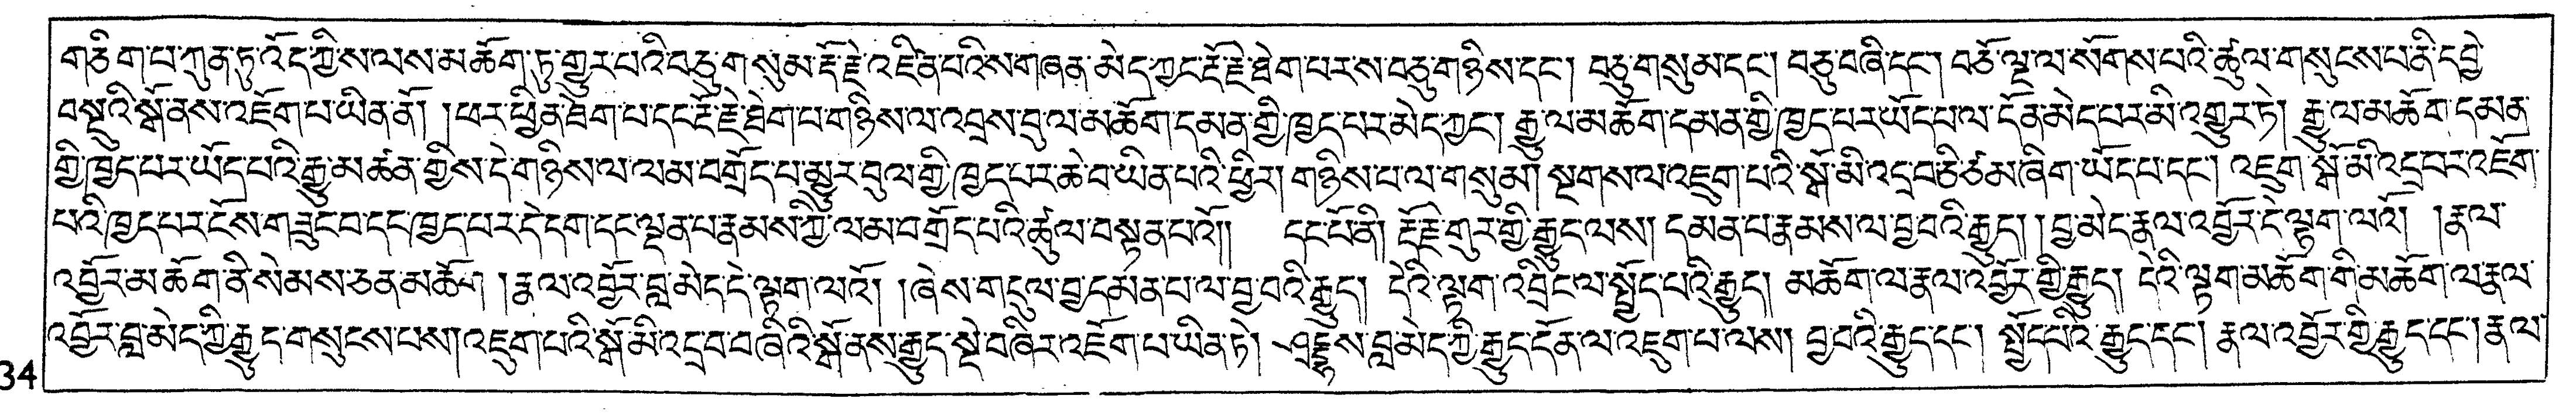གཅིག་པ་ཀུན་ཏུ་འོད་ཀྱི་ས་ལས་མཆོག་ཏུ་གྱུར་པའི་བཅུ་གསུམ་རྡོ་རྗེ་འཛིན་པའི་ས་གཞན་མེད་ཀྱང་རྡོ་རྗེ་ཐེག་པར་ས་བཅུ་གཉིས་དང་། བཅུ་གསུམ་དང་། བཅུ་བཞི་དང་། བཅོ་ལྔ་ལ་སོགས་པའི་ཚུལ་གསུངས་པ་ནི་དབྱེ་
བསྡུའི་སྒོ་ནས་འཇོག་པ་ཡིན་ནོ། །ཕར་ཕྱིན་ཐེག་པ་དང་རྡོ་རྗེ་ཐེག་པ་གཉིས་ལ་འབྲས་བུ་ལ་མཆོག་དམན་གྱི་ཁྱད་པར་མེད་ཀྱང་། རྒྱུ་ལ་མཆོག་དམན་གྱི་ཁྱད་པར་ཡོད་པ་ལ་དོན་མེད་པར་མི་འགྱུར་ཏེ། རྒྱུ་ལ་མཆོག་དམན་
གྱི་ཁྱད་པར་ཡོད་པའི་རྒྱུ་མཚན་གྱིས་དེ་གཉིས་ལ་ལམ་བགྲོད་པ་མྱུར་བུལ་གྱི་ཁྱད་པར་ཆེ་བ་ཡིན་པའི་ཕྱིར། གཉིས་པ་ལ་གསུམ། སྔགས་ལ་འཇུག་པའི་སྒོ་མི་འདྲ་བ་ཅི་ཙམ་ཞིག་ཡོད་པ་དང་། འཇུག་སྒོ་མི་འདྲ་བར་འཇོག་
པའི་ཁྱད་པར་ངོས་གཟུང་བ་དང་ཁྱད་པར་དེ་དག་དང་ལྡན་པ་རྣམས་ཀྱི་ལམ་བགྲོད་པའི་ཚུལ་བསྟན་པའོ། །དང་པོ་ནི། རྡོ་རྗེ་གུར་གྱི་རྒྱུད་ལས། དམན་པ་རྣམས་ལ་བྱ་བའི་རྒྱུད། །བྱ་མེད་རྣལ་འབྱོར་དེ་ལྟག་ལའོ། །རྣལ་
འབྱོར་མཆོག་ནི་སེམས་ཅན་མཆོག །རྣལ་འབྱོར་བླ་མེད་དེ་ལྟག་ལའོ། །ཞེས་གདུལ་བྱ་དམན་པ་ལ་བྱ་བའི་རྒྱུད། དེའི་ལྟག་འབྲིང་ལ་སྤྱོད་པའི་རྒྱུད། མཆོག་ལ་རྣལ་འབྱོར་གྱི་རྒྱུད། དེའི་ལྟག་མཆོག་གི་མཆོག་ལ་རྣལ་
འབྱོར་བླ་མེད་ཀྱི་རྒྱུད་གསུངས་པས། འཇུག་པའི་སྒོ་མི་འདྲ་བ་བཞིའི་སྒོ་ནས་རྒྱུད་སྡེ་བཞིར་འཇོག་པ་ཡིན་ཏེ། ཤྲདྡྷས་བླ་མེད་ཀྱི་རྒྱུད་དོན་ལ་འཇུག་པ་ལས། བྱ་བའི་རྒྱུད་དང་། སྤྱོད་པའི་རྒྱུད་དང་། རྣལ་འབྱོར་གྱི་རྒྱུད་དང་། རྣལ་